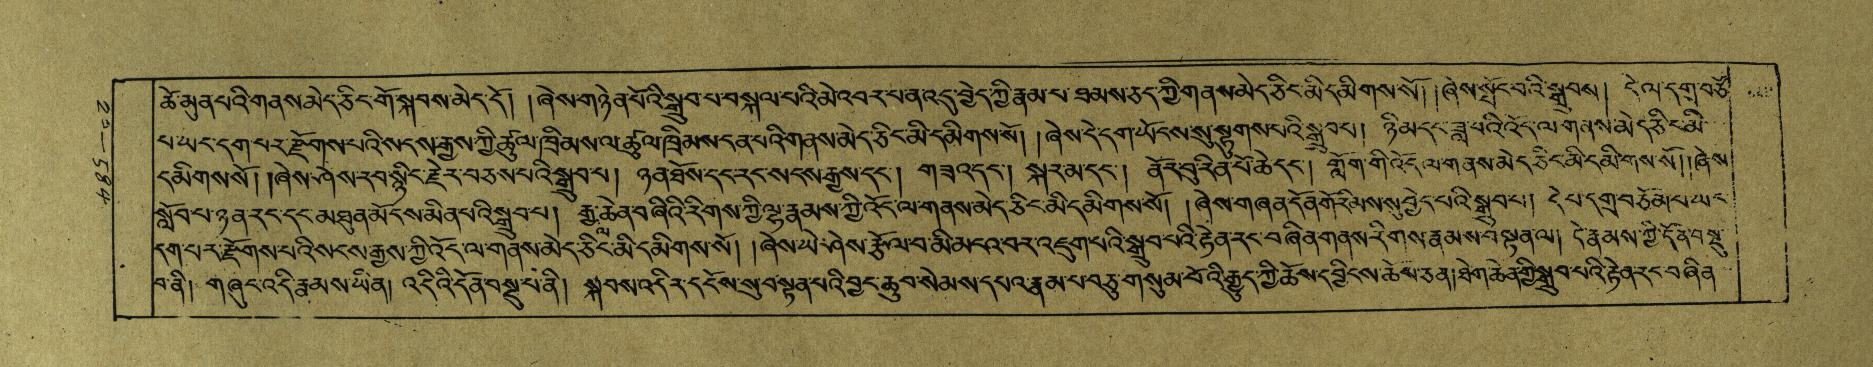ཚེ་མུན་པའི་གནས་མེད་ཅིང་གོ་སྐབས་མེད་དོ། །ཞེས་གཉེན་པོའི་སྒྲུབ་པ་བསྐལ་པའི་མེ་འབར་པ་ན་འདུ་བྱེད་ཀྱི་རྣམ་པ་ཐམས་ཅད་ཀྱི་གནས་མེད་ཅིང་མི་དམིགས་སོ། །ཞེས་སྤོང་བའི་སྒྲུབ་པ། དེ་ལ་དགྲ་བཅོཾ་
པ་ཡང་དག་པར་རྫོགས་པའི་སངས་རྒྱས་ཀྱི་ཚུལ་ཁྲིམས་ལ་ཚུལ་ཁྲིམས་ངན་པའི་གནས་མེད་ཅིང་མི་དམིགས་སོ། །ཞེས་དེ་དག་ཡོངས་སུ་སྟུགས་པའི་སྒྲུབ་པ། ཉི་མ་དང་ཟླ་བའི་འོད་ལ་གནས་མེད་ཅིང་མི་
དམིགས་སོ། །ཞེས་ཤེས་རབ་སྙིང་རྗེར་བཅས་པའི་སྒྲུབ་པ། ཉན་ཐོས་དང་རང་སངས་རྒྱས་དང་། གཟའ་དང་། སྐར་མ་དང་། ནོར་བུ་རིན་པོ་ཆེ་དང་། གློག་གི་འོད་ལ་གནས་མེད་ཅིང་མི་དམིགས་སོ། །ཞེས་
སློབ་པ་ཉན་རང་དང་མཐུན་མོངས་མིན་པའི་སྒྲུབ་པ། རྒྱལ་ཆེན་བཞིའི་རིགས་ཀྱི་ལྷ་རྣམས་ཀྱི་འོང་ལ་གནས་མེད་ཅིང་མི་དམིགས་སོ། །ཞེས་གཞན་དོན་གོ་རིམས་སུ་བྱེད་པའི་སྒྲུབ་པ། དེ་པ་དགྲ་བཅོམ་པ་ཡང་
དག་པར་རྫོགས་པའི་སངས་རྒྱས་ཀྱི་འོད་ལ་གནས་མེད་ཅིང་མི་དམིགས་སོ། །ཞེས་ཡེ་ཤེས་རྩོལ་བ་མི་མངའ་བར་འཇུག་པའི་སྒྲུབ་པའི་རྟེན་རང་བཞིན་གནས་རིགས་རྣམས་བསྟན་ལ། དེ་རྣམས་ཀྱི་དོན་བསྡུ་
བ་ནི། གཞུང་འདི་རྣམས་ཡིན། འདིའི་དོན་བསྡུ་པ་ནི། སྐབས་འདིར་དངོས་སུ་བསྟན་པའི་བྱང་ཆུབ་སེམས་དཔའ་རྣམ་པ་བཅུ་གསུམ་པོའི་རྒྱུད་ཀྱི་ཆོས་དབྱིངས་ཆོས་ཅན། ཐེག་ཆེན་གྱི་སྒྲུབ་པའི་རྟེན་རང་བཞིན་